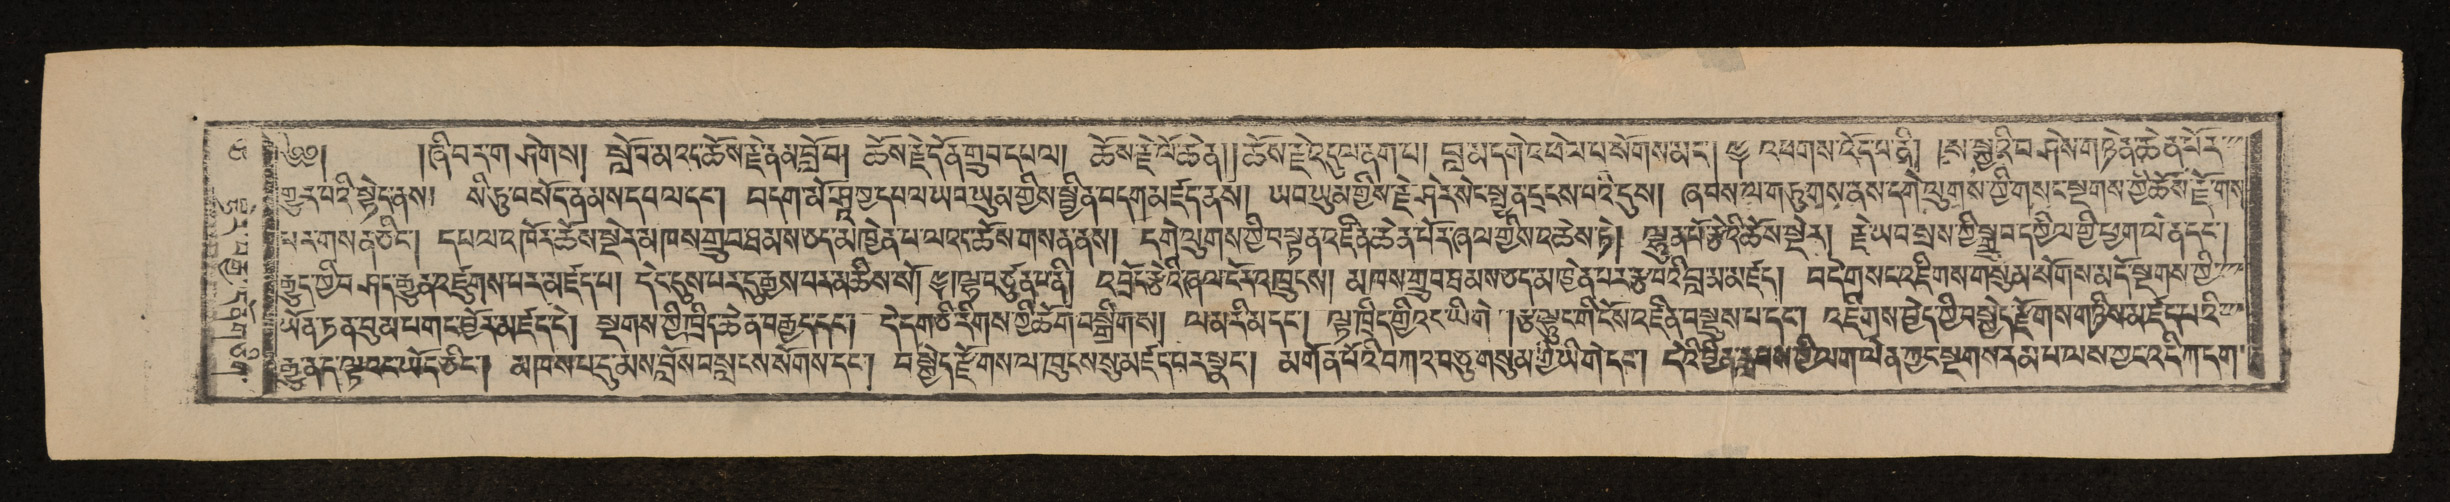༄༅། །ཞི་བར་གཤེགས། སློབ་མའང་ཆོས་རྗེ་ནམ་བློ་བ། ཆོས་རྗེ་དོན་གྲུབ་དཔལ། ཆོས་རྗེ་ལོ་ཆེན། ཆོས་རྗེ་འདུལ་ནག་པ། བླ་མ་དགེ་འཕེལ་པ་སོགས་མང་། ༈ འཕགས་འོད་པ་ནི། ས་སྐྱའི་བཤེས་གཉེན་ཆེན་པོར་
གྱུར་པའི་སྟེང་ནས། སི་ཏུ་བསོད་ནམས་དཔལ་དང་། བདག་མོ་ཤཱཀྱ་དཔལ་ཡབ་ཡུམ་གྱིས་སྦྱིན་བདག་མཛད་ནས། ཡབ་ཡུམ་གྱིས་རྗེ་ཤེར་སེང་སྤྱན་དྲངས་པའི་དུས། ཞབས་ལ་གཏུགས་ནས་དགེ་ལུགས་ཀྱི་གསང་སྔགས་ཀྱི་ཆོས་རྫོགས་
པར་གསན་ཅིང་། དཔལ་འཁོར་ཆོས་སྡེར་མཁས་གྲུབ་ཐམས་ཅད་མཁྱེན་པ་ལའང་ཆོས་གསན་ནས། དགེ་ལུགས་ཀྱི་བསྟན་འཛིན་ཆེན་པོར་ཞལ་གྱིས་འཆེས་ཏེ། ལྷུན་པོ་རྩེའི་ཆོས་སྡེར། རྗེ་ཡབ་སྲས་ཀྱི་སྒྲུབ་དཀྱིལ་གྱི་ཕྱག་ལེན་དང་།
རྒྱུད་ཀྱི་བཤད་རྒྱུན་འཛུགས་པར་མཛད་པ། དེང་དུས་བར་དུ་རྒྱས་པར་མཆིས་སོ། ༈ །ལྷ་བཙུན་པ་ནི། འབྲོང་རྩེའི་ཞལ་ངོར་འཁྲུངས། མཁས་གྲུབ་ཐམས་ཅད་མཁྱེན་པར་རྩ་བའི་བླ་མ་མཛད། བདེ་གསང་འཇིགས་གསུམ་སོགས་མདོ་སྔགས་ཀྱི་
ཡོན་ཏན་བུམ་པ་གང་བྱོར་མཛད་དེ། སྔགས་ཀྱི་ཁྲིད་ཆེན་བརྒྱད་དང་། དེ་དག་ཅི་རིགས་ཀྱི་ཆོག་བསྒྲིགས། ལམ་རིམ་དང་། ལྷ་ཁྲིད་ཀྱིའང་ཡི་གེ །རྩ་ལྟུང་གི་ངོས་འཛིན་བསྡུས་པ་དང་། འཇིགས་བྱེད་ཀྱི་བསྐྱེད་རྫོགས་གཉིས་མཛད་པའི་
རྒྱུན་ད་ལྟའང་ཡོད་ཅིང་། མཁས་པ་དུ་མས་བློས་བསླངས་སོགས་དང་། བསྐྱེད་རྫོགས་ལ་ཁུངས་སུ་མཛད་པར་སྣང་། མགོན་པོའི་བཀའ་བཅུ་གསུམ་གྱི་ཡི་གེ་དང་། དེའི་བྱིན་རླབས་ཀྱི་ལག་ལེན་ཀྱང་སྔགས་རམ་པ་ལས་ཀྱང་འདི་ཀ་དག་